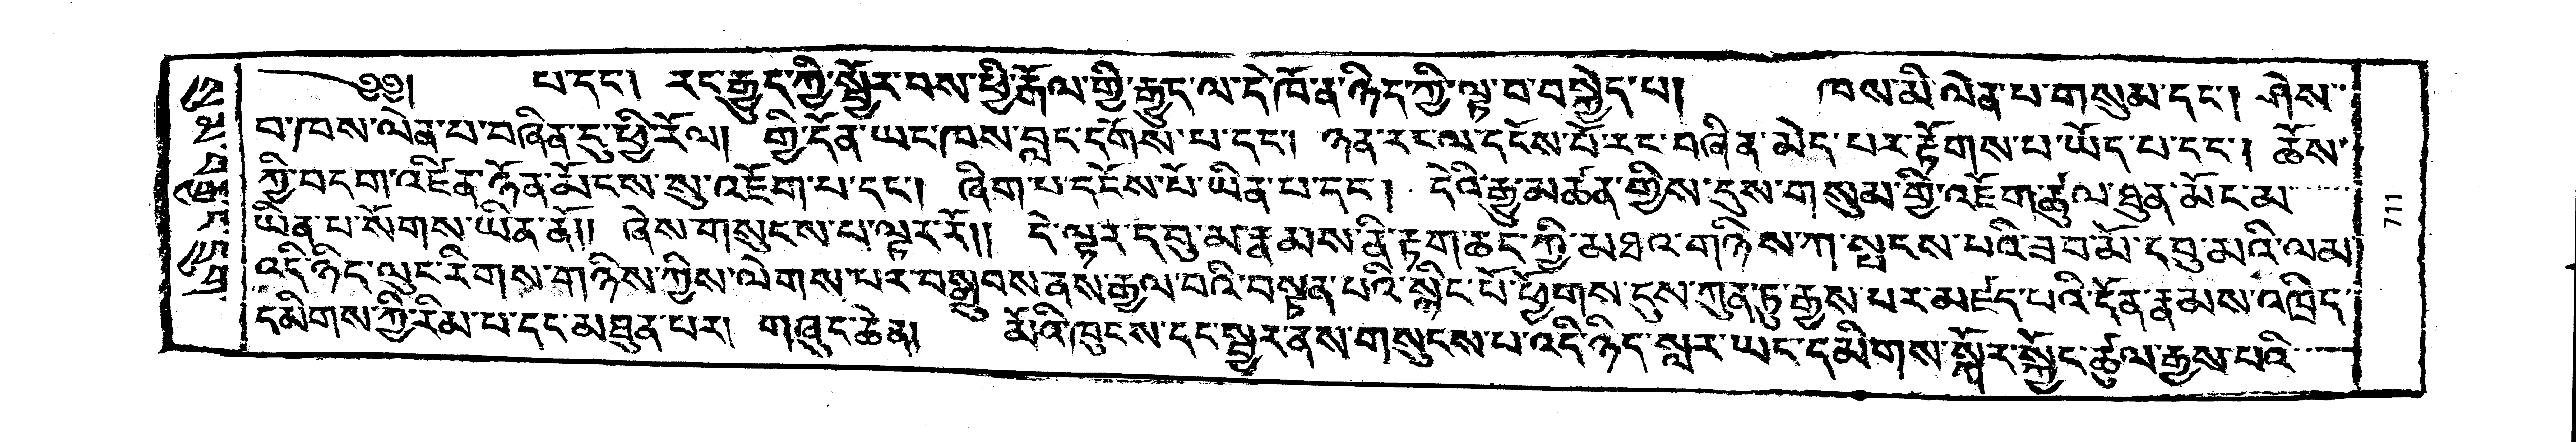༄༅། །པ་དང་། རང་རྒྱུད་ཀྱི་སྦྱོར་བས་ཕྱི་རྒོལ་གྱི་རྒྱུད་ལ་དེ་ཁོ་ན་ཉིད་ཀྱི་ལྟ་བ་བསྐྱེད་པ། ཁས་མི་ལེན་པ་གསུམ་དང་། ཤེས་
པ་ཁས་ལེན་པ་བཞིན་དུ་ཕྱི་རོལ། གྱི་དོན་ཡང་ཁས་བླངས་དགོས་པ་དང་། ཉན་རང་ལ་དངོས་པོ་རང་བཞིན་མེད་པར་རྟོགས་པ་ཡོད་པ་དང་། ཆོས་
ཀྱི་བདག་འཛིན་ཉོན་མོངས་སུ་འཇོག་པ་དང་། ཞིག་པ་དངོས་པོ་ཡིན་པ་དང་། དེའི་རྒྱུ་མཚན་གྱིས་དུས་གསུམ་གྱི་འཇོག་ཚུལ་ཐུན་མོང་མ་
ཡིན་པ་སོགས་ཡིན་ནོ། །ཞེས་གསུངས་པ་ལྟར་རོ། །དེ་ལྟར་དབུ་མ་རྣམས་ནི་རྟག་ཆད་ཀྱི་མཐའ་གཉིས་ཀ་སྤངས་པའི་ཟབ་མོ་དབུ་མའི་ལམ་
འདི་ཉིད་ལུང་རིགས་གཉིས་ཀྱིས་ལེགས་པར་བསྒྲུབས་ནས་རྒྱལ་བའི་བསྟན་པའི་སྙིང་པོ་ཕྱོགས་དུས་ཀུན་ཏུ་རྒྱས་པར་མཛད་པའི་དོན་རྣམས་འཁྲིད་
དམིགས་ཀྱི་རིམ་པ་དང་མཐུན་པར། གཞུང་ཆེན། མོའི་ཁུངས་དང་སྦྱར་ནས་གསུངས་པ་འདི་ཉིད་སླར་ཡང་དམིགས་སྐོར་སྐྱོང་ཚུལ་རྒྱས་པའི་